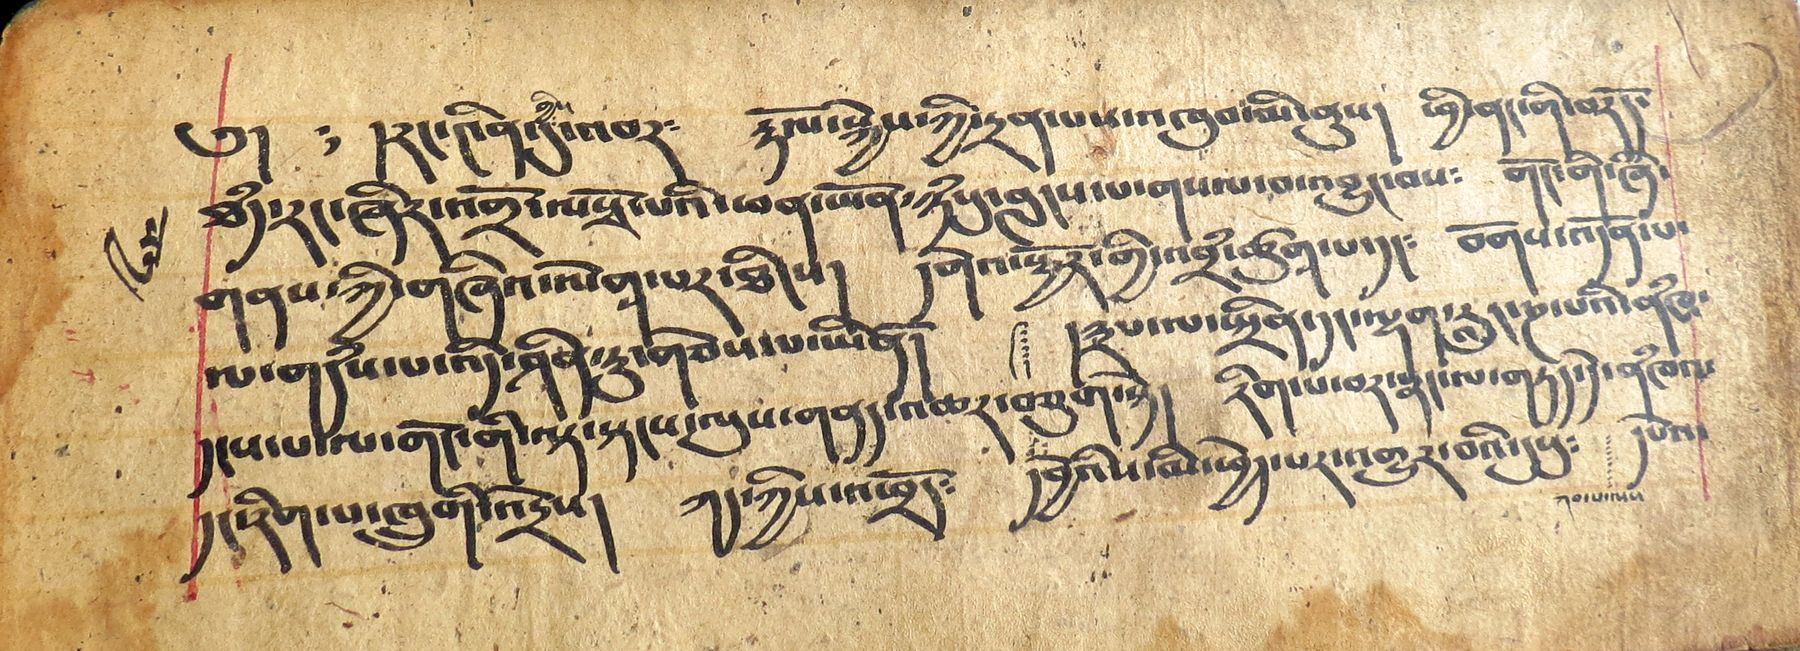རང་བཞིན་གྱིས་འབར། རྟོལ་སྐྱེས་ཀྱི་དྲན་པས་འཁུབ་མི་ནུས། ཕྱི་ནང་གི་བར་ཆོད་
ཐམས་ཅད་རང་ཞིར་འགྲོ་བ་ལ་སོགས་པའི་ཕན་ཡོན་ཉམས་སུ་བླངས་པ་གསལ་བ་འབྱུང་བས། གོང་གི་ཞི་
གནས་ཀྱི་གཞི་ལེགས་པར་ཐིངས། དགེ་སྦྱོར་གྱི་འགྲམ་ཚུགས་པ་དང་། བོགས་འདོན་པ་
ལ་གདམས་པ་འདི་ཤིན་ཏུ་གཅེས་པ་ཡིན་ནོ། ། གསུམ་པ་སྤྲིན་དང་ལྷགས་རླུང་མེད་པའི་ནམ་མཁའ་
དྭངས་པ་ལ། གོང་གི་ལྟ་སྟངས་ལུས་གནད་འཆའ་རུ་བཅུག་སྟེ། རིག་པ་བར་སྣང་ལ་གཏད་དེ། ནམ་མཁའ་
དང་རིག་པ་ཁྲུག་གིས་འདྲེས། ཀད་ཀྱིས་འཕྲོད། དབྱེ་ཡིས་མི་ཕྱེད་པར་གྱུར་པའི་དུས་སུ། དཔེ་